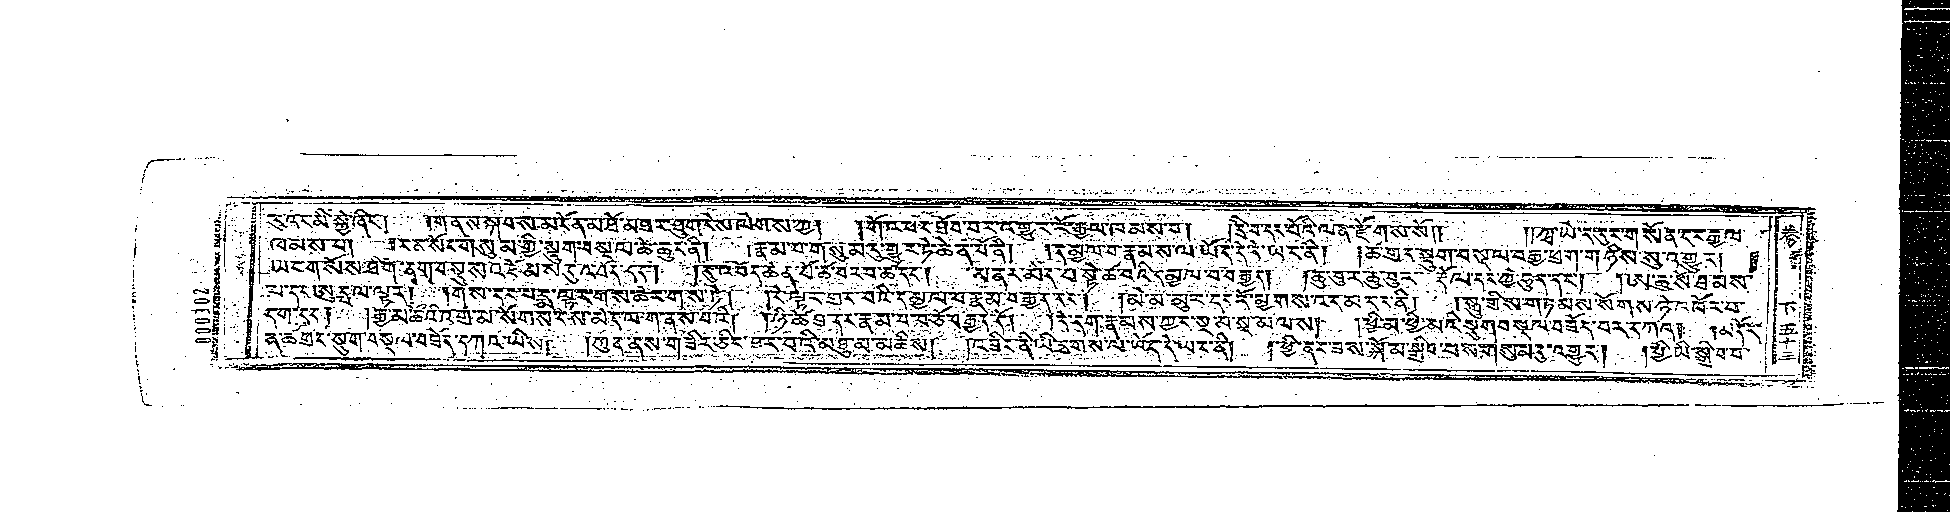དུའང་མི་སྐྱེ་ཞིང་། །གནས་སྐབས་མངོན་མཐོ་མཐར་ཐུག་ངེས་ལེགས་ཀྱི། །གོ་འཕང་ཐོབ་པར་འགྱུར་རོ་རྒྱལ་ཁམས་པ། །དྲི་བ་དང་པོའི་ལན་རྫོགས་སོ།། །།ཀྭ་ཡེ་ད་དུང་གསོན་དང་རྒྱལ་
ཁམས་པ། །ངན་སོང་གསུམ་གྱི་སྡུག་བསྔལ་ཆེ་ཆུང་ནི། །རྣམ་པ་གསུམ་དུ་གྱུར་ཏེ་ཆེན་པོ་ནི། །དམྱལ་བ་རྣམས་ལ་ཡོད་དེ་དེ་ཡང་ནི། །ཚ་གྲང་སྡུག་བསྔལ་བརྒྱ་ཕྲག་གཉིས་སུ་འགྱུར། །
ཡང་གསོས་ཐིག་ནག་བསྡུས་འཇོམས་དུ་འབོད་དང་། །དུ་འབོད་ཆེན་པོ་ཚ་བ་རབ་ཚ་དང་། མནར་མེད་པ་སྟེ་ཚ་བའི་དམྱལ་བ་བརྒྱད། །ཆུ་བུར་ཆུ་བུར་རྡོལ་དང་ཀྱེ་ཧུད་དང་། །ཨ་ཆུ་སོ་ཐམས་
པ་དང་ཨུཏྤལ་ལྟར། །གས་དང་པདམ་ལྟར་གས་ཆེ་རགས་ཏེ། །དེ་ལྟར་གྲང་བའི་དམྱལ་བ་རྣམ་བརྒྱད་དང་། །མེ་མ་མུར་དང་རོ་མྱགས་འདམ་དང་ནི། །སྤུ་གྲིས་གཏམས་སོགས་ཉེ་འཁོར་བ་
དག་དང་། །རྒྱ་མཚོའི་འགྲམ་སོགས་ངེས་མེད་ལ་གནས་པའི། །ཉི་ཚེ་བ་དང་རྣམ་པ་བཅོ་བརྒྱད་ངོ། །དེ་དག་རྣམས་ཀྱང་སྔ་མ་སྔ་མ་ལས། །ཕྱི་མ་ཕྱི་མའི་སྡུག་བསྔལ་བཟོད་པར་དཀའ། །མདོར་
ན་ཚ་གྲང་སྡུག་བསྔལ་བཟོད་དཀའ་ཡིས། །ཀུན་ནས་གཟིར་ཅིང་ཐར་བའི་མཐུ་མ་མཆིས། །འབྲིང་ནི་ཡི་དྭགས་ལ་ཡོད་དེ་ཡང་ནི། །ཕྱི་ནང་ཟས་སྐོམ་སྒྲིབ་པས་གསུམ་དུ་འགྱུར། །ཕྱི་ཡི་སྒྲིབ་པ་